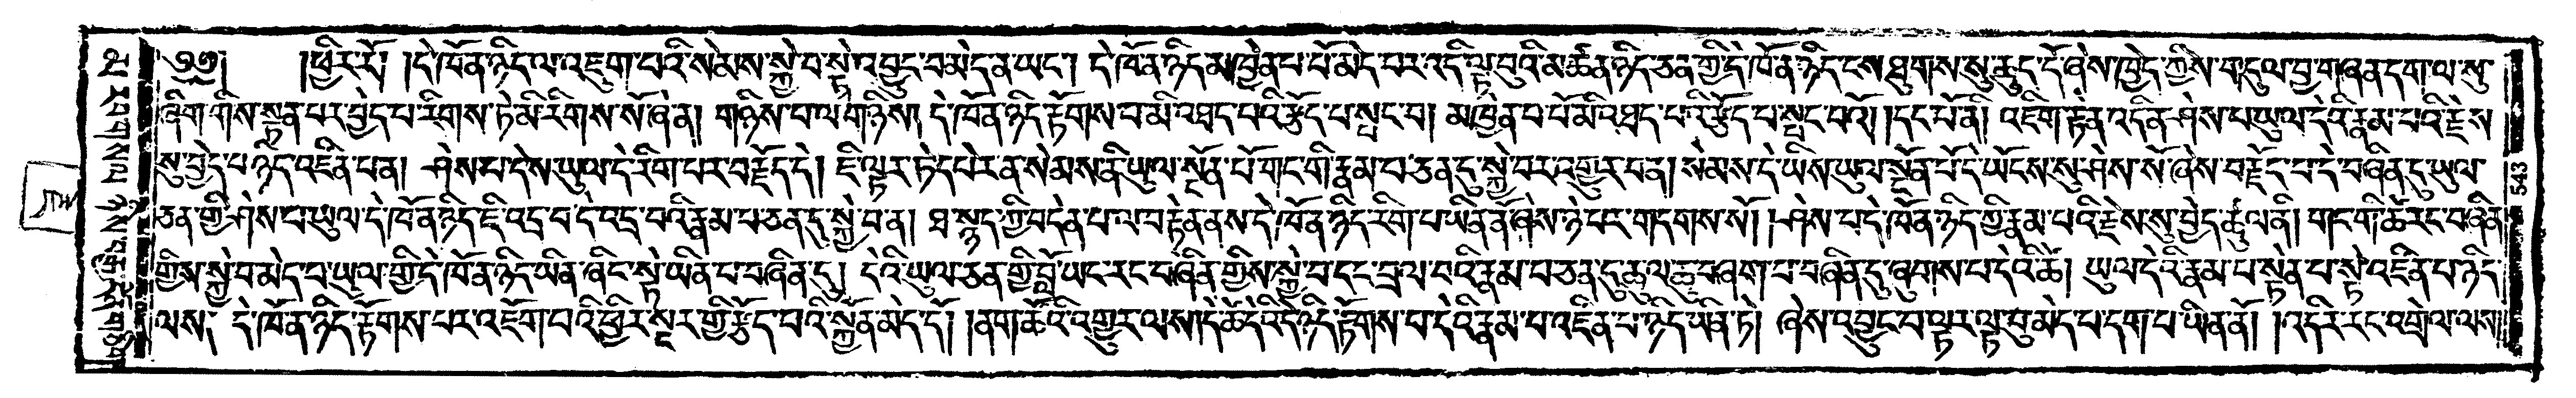༄༅། །ཕྱིར་རོ། །དེ་ཁོ་ན་ཉིད་ལ་འཇུག་པའི་སེམས་སྐྱེ་བ་སྟེ་འབྱུང་བ་མེད་ན་ཡང་། དེ་ཁོ་ན་ཉིད་མཁྱེན་པ་པོ་མེད་པར་འདི་ལྟ་བུའི་མཚན་ཉིད་ཅན་གྱི་དེ་ཁོ་ན་ཉིད་ངས་ཐུགས་སུ་ཆུད་དོ་ཞེས་ཁྱེད་ཀྱིས་གདུལ་བྱ་གཞན་དག་ལ་སུ་
ཞིག་གིས་སྟན་པར་བྱེད་པ་རིགས་ཏེ་མི་རིགས་སོ་ཞེ་ན། གཉིས་པ་ལ་གཉིས། དེ་ཁོ་ན་ཉིད་རྟོགས་པ་མི་འཐད་པའི་རྩོད་པ་སྤང་བ། མཁྱེན་པ་པོ་མི་འཐད་པའི་རྩོད་པ་སྤང་བའོ། །དང་པོ་ནི། འཇིག་རྟེན་འདི་ན་ཤེས་པ་ཡུལ་དེའི་རྣམ་པའི་རྗེས་
སུ་བྱེད་པ་ཉིད་འཛིན་པ་ན། ཤེས་པ་དེས་ཡུལ་དེ་རིག་པར་བརྗོད་དེ། ཇི་ལྟར་ཏེ་དཔེར་ན་སེམས་ནི་ཡུལ་སྔོན་པོ་གང་གི་རྣམ་པ་ཅན་དུ་སྐྱེ་བར་འགྱུར་བ་ན། སེམས་དེ་ཡིས་ཡུལ་སྔོན་པོ་དེ་ཡོངས་སུ་ཤེས་སོ་ཞེས་བརྗོད་པ་དེ་བཞིན་དུ་ཡུལ་
ཅན་གྱི་ཤེས་པ་ཡུལ་དེ་ཁོ་ན་ཉིད་ཇི་འདྲ་བ་དེ་འདྲ་བའི་རྣམ་པ་ཅན་དུ་སྐྱེ་བ་ན། ཐ་སྙད་ཀྱི་བདེན་པ་ལ་བརྟེན་ནས་དེ་ཁོ་ན་ཉིད་རིག་པ་ཡིན་ནོ་ཞེས་ཉེ་བར་གདགས་སོ། །ཤེས་པ་དེ་ཁོ་ན་ཉིད་ཀྱི་རྣམ་པའི་རྗེས་སུ་བྱེད་ཚུལ་ནི། གང་གི་ཚེ་རང་བཞིན་
གྱིས་སྐྱེ་བ་མེད་པ་ཡུལ་གྱི་དེ་ཁོ་ན་ཉིད་ཡིན་ཞིང་སྟེ་ཡིན་པ་བཞིན་དུ། དེའི་ཡུལ་ཅན་གྱི་བློ་ཡང་རང་བཞིན་གྱིས་སྐྱེ་བ་དང་བྲལ་བའི་རྣམ་པ་ཅན་དུ་ཆུ་ལ་ཆུ་བཞག་པ་བཞིན་དུ་ཞུགས་པ་དེའི་ཚེ། ཡུལ་དེའི་རྣམ་པ་སྟེན་པ་སྟེ་འཛིན་པ་ཉིད་
ལས༑ དེ་ཁོ་ན་ཉིད་རྟོགས་པར་འཇོག་པའི་ཕྱིར་སྔར་གྱི་རྩོད་པའི་སྐྱོན་མེད་དོ། །ནག་ཚོའི་འགྱུར་ལས། དེ་ཚེ་དེའི་དེ་ཉིད་རྟོགས་པ་དེའི་རྣམ་པ་འཛིན་པ་ཉིད་ཡིན་ཏེ། ཞེས་འབྱུང་བ་ལྟར་ལྟ་བུ་མེད་པ་དག་པ་ཡིན་ནོ། །འདིར་རང་འགྲེལ་ལས།